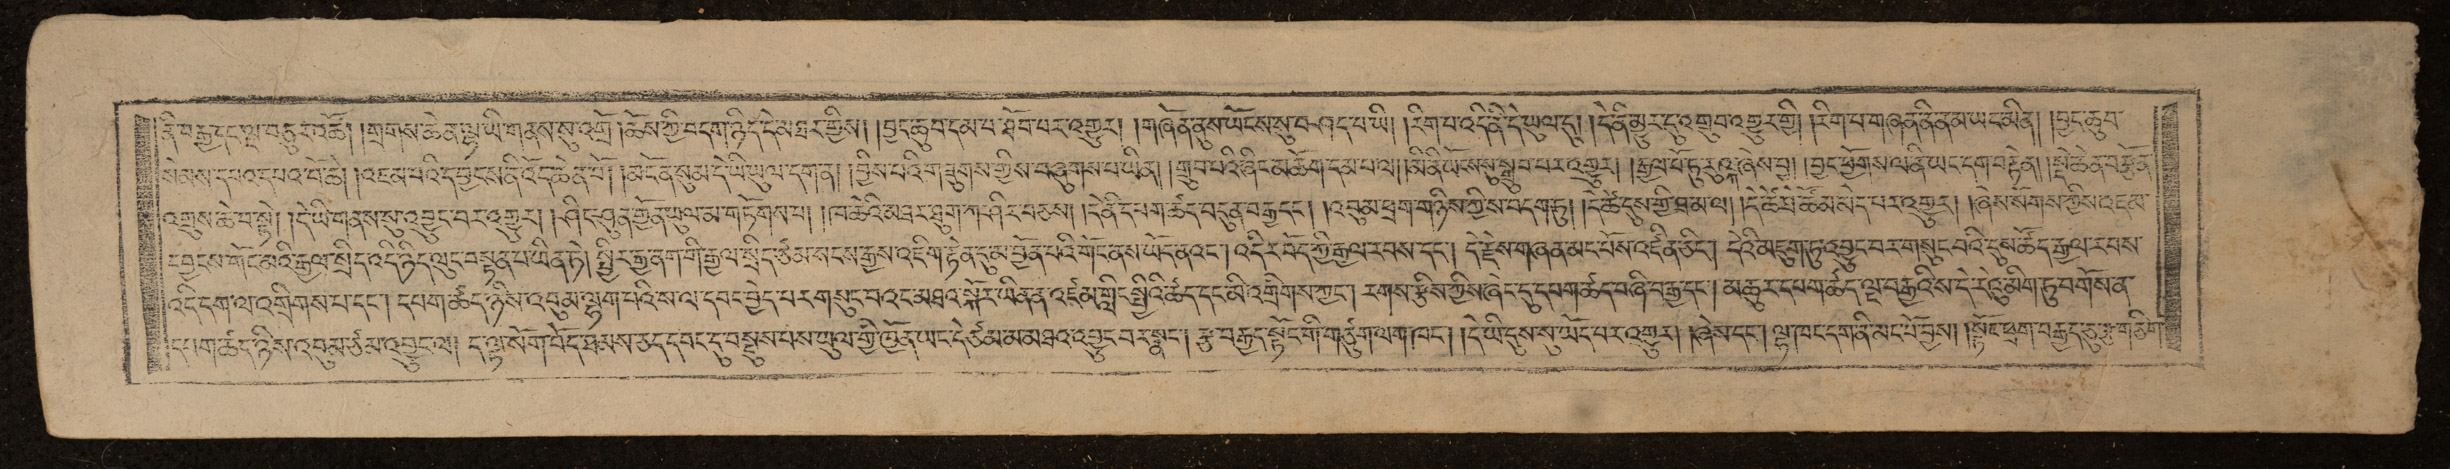ནི་བརྒྱ་དང་ལྔ་བཅུར་འཚོ། །གྲགས་ཆེན་ལྷ་ཡི་གནས་སུ་འགྲོ། །ཆོས་ཀྱི་བདག་ཏིད་དེ་མཐར་གྱིས། །བྱང་ཆུབ་དམ་པ་ཐོབ་པར་འགྱུར། །གཞོན་ནུས་ཡོངས་སུ་བཤད་པ་ཡི། །རིག་པ་འདི་ནི་དེ་ཡུལ་དུ། །དེ་ནི་མྱུར་དུ་འགྲུབ་འགྱུར་གྱི། །རིག་པ་གཞན་ནི་ནམ་ཡང་མིན། །བྱང་ཆུབ་
སེམས་དཔའ་དཔའ་པོ་ཆེ། །འཇམ་པའི་དབྱངས་ནི་འོད་ཆེན་པོ། །མངོན་སུམ་དེ་ཡི་ཡུལ་དག་ན། །བྱིས་པའི་གཟུགས་ཀྱིས་བཞུགས་པ་ཡིན། །གྲུབ་པའི་ཞིང་མཆོག་དམ་པ་ལ། །མི་ནི་མོངས་སུ་སྒྲུབ་པར་འགྱུར། །རྒྱལ་པོ་ཏུ་རུཥྐ་ཞེས་བྱ། །བྱང་ཕྱོགས་ལ་ནི་ཡང་དག་བརྟེན། །སྡེ་ཆེན་བརྩོན་
འགྲུས་ཆེ་བ་སྟེ། །དེ་ཡི་གནས་སུ་འབྱུང་བར་འགྱུར། །ཤིང་ཤུན་གྱོན་ཡུལ་མ་གཏོགས་པ། །ཁ་ཆེའི་མཐར་ཐུག་ཀ་ཤིར་བཅས། །དི་ནི་དཔག་ཚད་བདུན་བརྒྱ་དང་། །འབུམ་ཕྲག་གཉིས་ཀྱིས་བདག་ཏུ། །དེ་ཚེ་དུས་གྱི་ཐ་མ་ལ། དེ་ཚོ་ཐོ་ཚོམ་མེད་པར་འགྱུར། །ཞེས་སོགས་ཀྱིས་འཇམ་
དབྱངས་གོང་མའི་རྒྱལ་སྲིད་འདི་འདི་ཉིད་ལུང་བསྟན་པ་ཡིན་ཏེ། སྦྱིར་རྒྱ་ནག་གི་རྒྱལ་སྲིད་ཙམ་སངས་རྒྱས་འཇིག་རྟེན་དུ་མ་བྱོན་པའི་གོང་ནས་ཡོད་ནའང་། འདིར་བོད་ཀྱི་རྒྱལ་རབས་དང་། དེ་རྗེས་གཞན་མ་པོས་འཛིན་ཅིང་། དེའི་མཇུག་ཏུ་འབྱང་བར་གསུང་བའི་དུས་ཚོང་རྒྱལ་རབས་
འདི་དག་ལ་འགྲིགས་པ་དང་། དཔག་ཚད་ཉིས་འབུམ་ལྷག་པའི་ས་ལ་དབང་བྱེད་པར་གསུང་བའང་མཐའ་སྐོར་ཡིན་ན་འཛམ་གླིང་སྤྱིའི་ཚད་དང་མི་འགྲིགས་ཀྱང་། རགས་རྩིས་ཀྱིས་ཞེང་དུ་དཔག་ཚད་བཞི་བརྒྱ་དང་། མཆུར་དཔག་ཚང་ལྔ་བརྒྱའི་ས་དེ་རེའུ་མིག་ཏུ་བགོས་ན་
དཔག་ཚད་ཉིས་འབུམ་ཙམ་འབྱུང་ལ། ད་ལྟ་སོག་བོད་ཐམས་ཅད་དབང་དུ་བསྡུས་པས་ཡུལ་གྱི་ཁྱོན་ཡང་དེ་ཙམ་མཐའ་འབྱུང་བར་སྶྣང་། རྩ་བརྒྱད་སྟོང་གི་གཙུག་ལག་ཁང་། །དེ་ཡི་དུས་སུ་ཡོད་པར་འགྱུར། །ཞེས་དང་། ལྷ་ཁང་དག་ནི་མང་པོ་བྱས། །སྟོང་ཕྲག་བརྒྱད་ཅུ་རྩ་གཅིག་